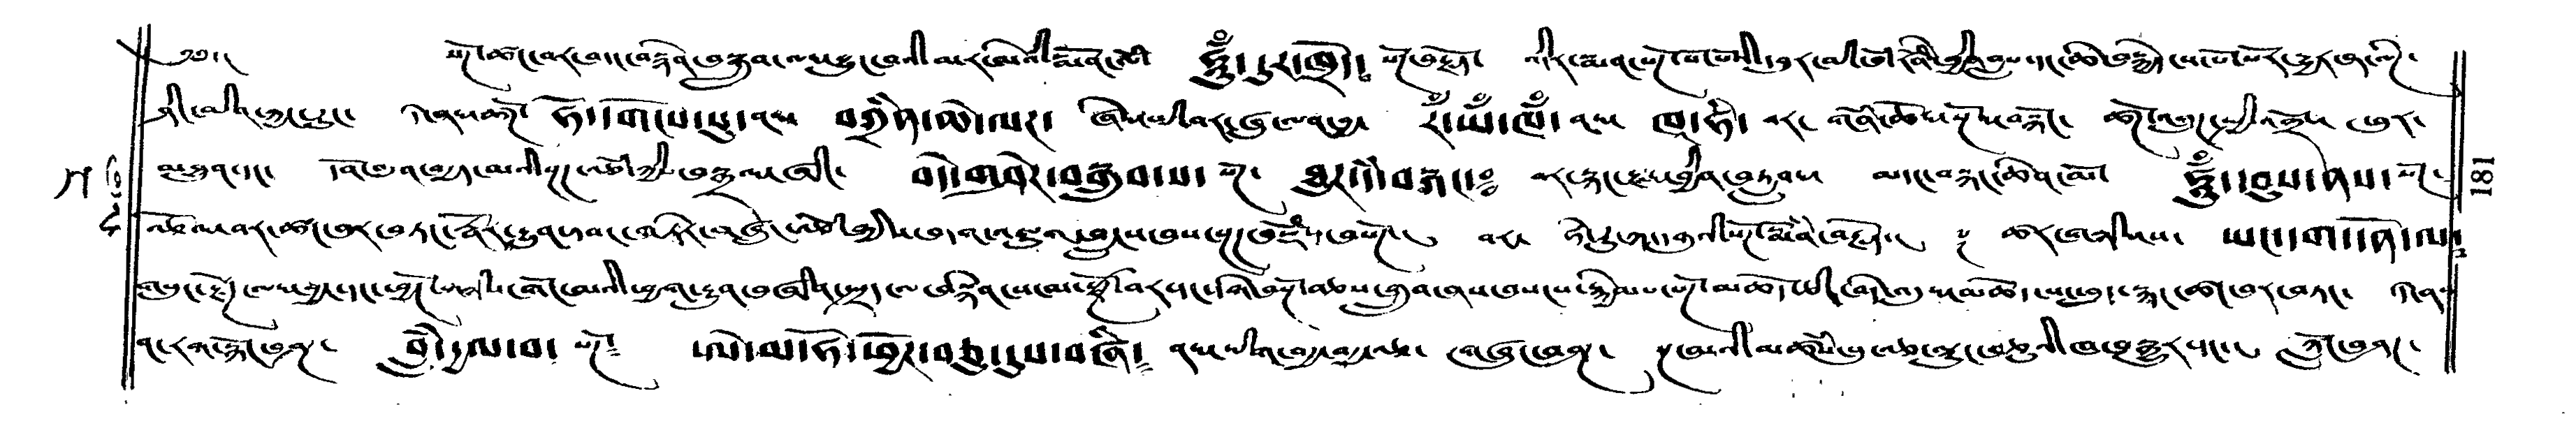སོགས་ཚང་བར་དང་། སྙེན་སྒྲུབ་ལས་བྱུང་བའི་མར་མེའི་སྨོན་ལམ། ཧཱུྃ༔ དུར་ཁྲོད༴ སོགས་རྗོད། འདིར་སྨན་སོགས་སོ་སོའི་དབུར་མི་ཕམ་རིན་པོ་ཆེའི་བྱིན་རླབས་དང་ཆེ་བ་སྐྱེད་པ་སོ་སོར་སྦྱར་ན་ལེགས་
ཤིང་མིན་ཀྱང་རུང། དེ་ནས་ཚོགས། ཧོ༔ དགོངས་སུ༴ ནས། བཀའ་དྲིན་ཆེ་ལགས། ཞེས་པའི་བར་ཞུ་ལན་བྱ། རྃ་ཡྃ་ཁྃ༔ ནས། ཁཱ་ཧི༔ བར། གནམ་ཆོས་སྔོན་སྐོང་། ཚོགས་འགུགས་སྤྱི་འགྲོས། ཕུར་
ཐུན་དང་། དོན་བདུན་བརྒྱད་མའི་སྔགས་ཙམ་གྱིས་སྒྲོལ་ཞིང་། བདེ་གཤེགས་སྒྲུབ་པ༴ སོགས། ཐུགས་དམ་བསྐང་། བར་སྐང་རྫས་བྱིན་བརླབ། མདངས་སྐོང་ཆེན་མོ། ཧཱུྃ༔ དབུས་ནས༴ སོགས། 
སྩོལ་བར་ཚང་བར་བཏང་། རྣལ་འབྱོར་རྒྱུན་དབང་གཏེར་གཞུང་ཙམ་གྱིས་བདག་འཇུག་བླངས་བས་སྔགས་སྡོམ་སོགས་ཀྱི་བར། ཧེ་རུ་ཀ་དགུའི་སོགས་སྨོན་ལམ་རྗོད། ༈ ཚར་གཉིས་པ། ཡང་དག་དོན་ལ༴ 
གསང་རྫོགས་ལས་བྱང་དང་ཕྱོགས་གཉིས་གོང་མའི་ཕྱག་རྒྱུན་བཞིན་སྤྲད་ལ་སྙེན་པ་མ་རྫོགས་བར་དང་དགེ་བསྔོ་བཅས་གྲུབ་ནས་བསངས་སྐྱེམས་སོགས་མཆོད་ཅིང་བདེ་འདུས་མཆོད་པ་ཕུད་སྐོང་ཚང་བར་བཏང་། དེ་ནས་
ན་རཀ་སྐོང་བཤགས། བླ་མ་རྒྱལ་བ༴ སོགས༴ ཨེ་མ་ཧོཿ ཕྱོགས་བཅུ་དུས་བཞི༴ ནས་ཡིག་བརྒྱ་བརྒྱ་རྩ། གཞུང་བཤགས། སྔ་མའི་མཚམས་སུ་རྩ་ལྟུང་བཅུའི་ཁ་སྒྱུར་དང་། ཀློང་བཤགས་